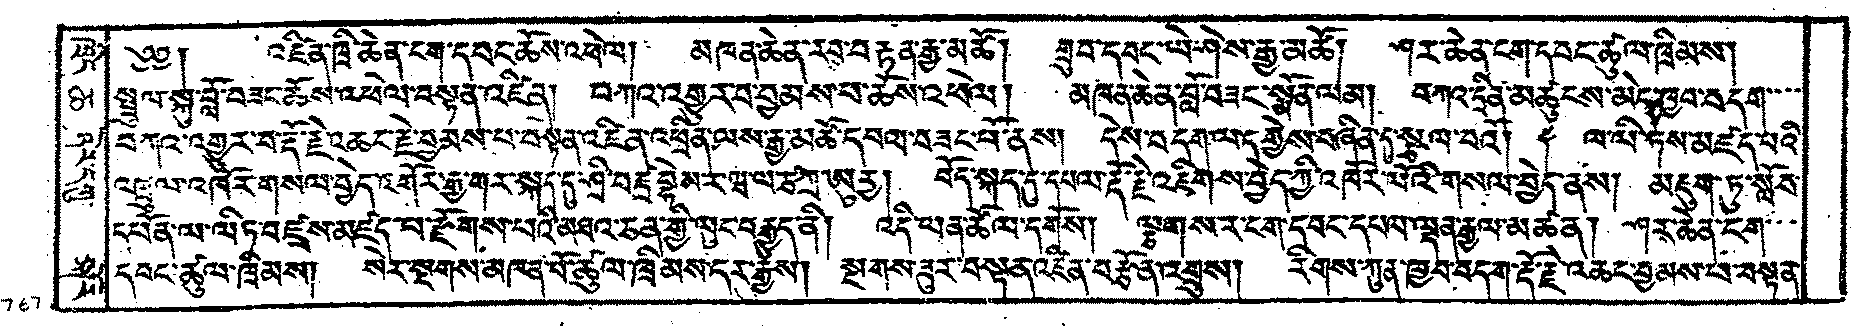༄༅། །འཛིན་ཁྲི་ཆེན་ངག་དབང་ཆོས་འཕེལ། མཁན་ཆེན་རབ་བརྟན་རྒྱ་མཚོ། གྲུབ་དབང་ཡེ་ཤེས་རྒྱ་མཚོ། ཤར་ཆེན་ངག་དབང་ཚུལ་ཁྲིམས།
སྤྲུལ་སྐུ་བློ་བཟང་ཆོས་འཕེལ་བསྟན་འཛིན། བཀའ་འགྱུར་བ་བྱམས་པ་ཆོས་འཕེལ། མཁན་ཆེན་བློ་བཟང་སྨོན་ལམ། བཀའ་དྲིན་མཚུངས་མེད་ཁྱབ་བདག་
བཀའ་འགྱུར་བ་རྡོ་རྗེ་འཆང་རྗེ་བྱམས་པ་བསྟན་འཛིན་འཕྲིན་ལས་རྒྱ་མཚོ་དཔལ་བཟང་པོ་ནས། དེས་བདག་ལ་དགྱེས་བཞིན་དུ་སྩལ་བའོ། ༈ ལ་ལི་ཏས་མཛད་པའི་
འཁྲུལ་འཁོར་གསལ་བྱེད་འགོར་རྒྱ་གར་སྐད་དུ་ཤྲི་བཛྲ་བྷེམ་ར་ཝ་ཡ་ཙཀྲ་ཨུརྱ། བོད་སྐད་དུ་དཔལ་རྡོ་རྗེ་འཇིགས་བྱེད་ཀྱི་འཁོར་ལོའི་གསལ་བྱེད་ནས། མཇུག་ཏུ་སློབ་
དཔོན་ལ་ལིཏ་བཛྲ་མཛད་པ་རྫོགས་པའི་མཐའ་ཅན་གྱི་ལུང་བརྒྱུད་ནི། འདི་ཡན་ཚོལ་དགོས། ལྕགས་ར་ངག་དབང་དཔལ་ལྡན་རྒྱལ་མཚན། ཤར་ཆེན་ངག་
དབང་ཚུལ་ཁྲིམས། སེར་སྔགས་མཁན་པོ་ཚུལ་ཁྲིམས་དར་རྒྱས། སྔགས་ཟུར་བསྟན་འཛིན་བརྩོན་འགྲུས། རིགས་ཀུན་ཁྱབ་བདག་རྡོ་རྗེ་འཆང་བྱམས་པ་བསྟན་